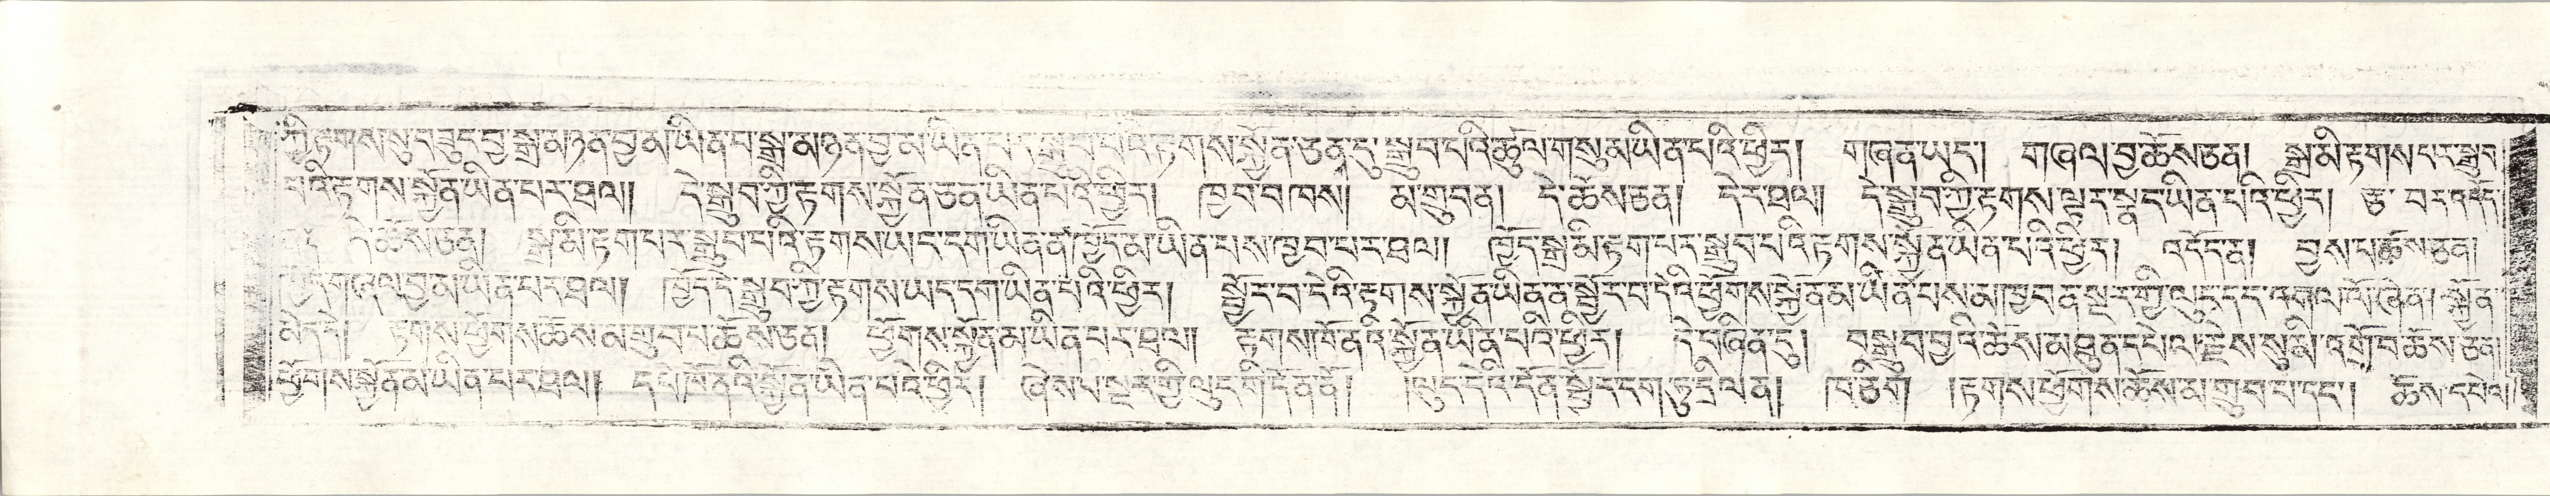ཀྱི་རྟགས་སུ་བཟུང་བྱ་སྒྲ་མཉན་བྱ་མ་ཡིན་པ་སྒྲ་མཉན་བྱ་མ་ཡིན་པར་སྒྲུབ་པའི་རྟགས་སྐྱོན་ཅན་དུ་སྒྲུབ་པའི་ཚུལ་གསུམ་ཡིན་པའི་ཕྱིར། གཞན་ཡང་། གཞལ་བྱ་ཆོས་ཅན། སྒྲ་མི་རྟག་པར་སྒྲུབ་
པའི་རྟགས་སྐྱོན་ཡིན་པར་ཐལ། དེ་སྒྲུབ་ཀྱི་རྟགས་སྐྱོན་ཅན་ཡིན་པའི་ཕྱིར། ཁྱབ་པ་ཁས། མ་གྲུབ་ན། དེ་ཆོས་ཅན། དེར་ཐལ། དེ་སྒྲུབ་ཀྱི་རྟགས་ལྟར་སྣང་ཡིན་པའི་ཕྱིར། རྩ་བར་འདོད་
ན། དེ་ཆོས་ཅན། སྒྲ་མི་རྟག་པར་སྒྲུབ་པའི་རྟགས་ཡང་དག་ཡིན་ན་ཁྱོད་མ་ཡིན་པས་ཁྱབ་པར་ཐལ། ཁྱོད་སྒྲ་མི་རྟག་པར་སྒྲུབ་པའི་རྟགས་སྐྱོན་ཡིན་པའི་ཕྱིར། འདོད་ན། བྱས་པ་ཆོས་ཅན།
ཁྱོད་གཞལ་བྱ་མ་ཡིན་པར་ཐལ། ཁྱོད་དེ་སྒྲུབ་ཀྱི་རྟགས་ཡང་དག་ཡིན་པའི་ཕྱིར། སྦྱོར་བ་དེའི་རྟགས་སྐྱོན་ཡིན་ན་སྦྱོར་བ་དེའི་ཕྱོགས་སྐྱོན་མ་ཡིན་པས་མ་ཁྱབ་ན་སྔར་གྱི་ལུང་དང་འགལ་ལོ་ཞེ་ན། སྐྱོན་
མེད་དེ། རྟགས་ཕྱོགས་ཆོས་མ་གྲུབ་པ་ཆོས་ཅན། ཕྱོགས་སྐྱོན་མ་ཡིན་པར་ཐལ། རྟགས་ཁོ་ནའི་སྐྱོན་ཡིན་པའི་ཕྱིར། དེ་བཞིན་དུ། བསྒྲུབ་བྱའི་ཆོས་མཐུན་དཔེ་ལ་རྗེས་སུ་མི་འགྲོ་བ་ཆོས་ཅན།
ཕྱོགས་སྐྱོན་མ་ཡིན་པར་ཐལ། དཔེ་ཁོ་ནའི་སྐྱོན་ཡིན་པའི་ཕྱིར། ཞེས་པ་སྔར་གྱི་ལུང་གི་དོན་ནོ། །ལུང་དེའི་དོན་སྦྱོར་ངག་ཏུ་དྲིལ་ན། ཁ་ཅིག །རྟགས་ཕྱོགས་ཆོས་མ་གྲུབ་པ་དང་། ཆོས་དཔེ་ལ་